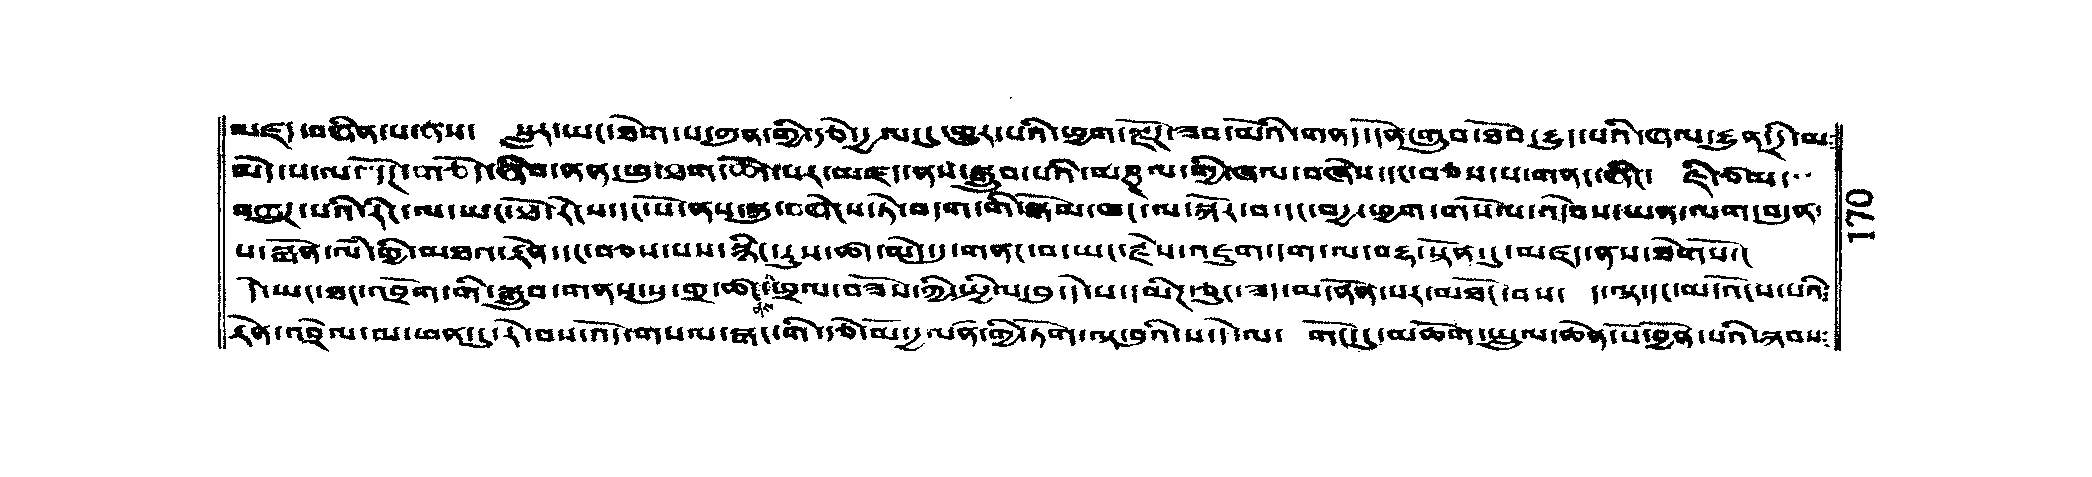མཛད་བཞིན་པ་ནས། སླར་ཡང་ཐེག་པ་ཀུན་གྱི་རྩེ་རྒྱལ་དུ་གྱུར་པའི་ཕྱག་རྫོགས་ཟབ་མོའི་གནད་དོན་གྲུབ་ཐོབ་རྒྱུད་པའི་ཞལ་རྒྱུན་དྲི་མ་
མེད་པ་ལ་དོགས་གཅོད་ཞིབ་ནན་ཕུ་ཐག་ཆོད་པར་མཛད་ནས་སྒྲུབ་པའི་མཎྜལ་གྱི་ཞལ་བཞེས་དང་བཅས་པ་གནང་ཞིང་། ཇི་ཙམ་
བཞུགས་པའི་རིང་ལ་ཡང་ཐོ་རེངས་དང་པོ་ནས་སྐུ་བཞེངས་ཏེ་བདག་གི་སྒོམ་ཁང་ལ་སྐོར་བ་དང་བརྒྱ་ཕྱག་གསོལ་འདེབས་ཡན་ལག་བདུན་
པ་སྨོན་ལམ་གྱི་མཐའ་རྟེན་དང་བཅས་པས་སྙིང་རུས་ཚད་མེད་དུ་གནང་བ་ཡང་རྗེས་འཇུག་དག་ལ་བརྡ་སྟོན་དུ་མཛད་ནས་ཐེགས་སོ། 
དེ་ཡང་ཐང་འབྲོག་གི་སྒྲུབ་གནས་སུ་གྲྭ་ཚང་ནས་ཕྲལ་བཟོས་ཀྱི་སྤྱིལ་བུ་དེ་ས་དམིགས་ཅུང་ཟད་མ་ནོན་པར་མཐོང་བས། ད་ལྟ་མ་འོངས་པའི་
རྟེན་འབྲེལ་ལ་ཕན་དུ་རེ་བས་འོད་གསལ་སྒང་གི་རྩེ་མོ་རྒྱལ་མཚན་གྱི་ཏོག་ལྟ་བུའི་ས་དེ་ལ། གོང་དུ་མཆོག་སྤྲུལ་ཆེན་པོ་བྱོན་པའི་སྐབས་